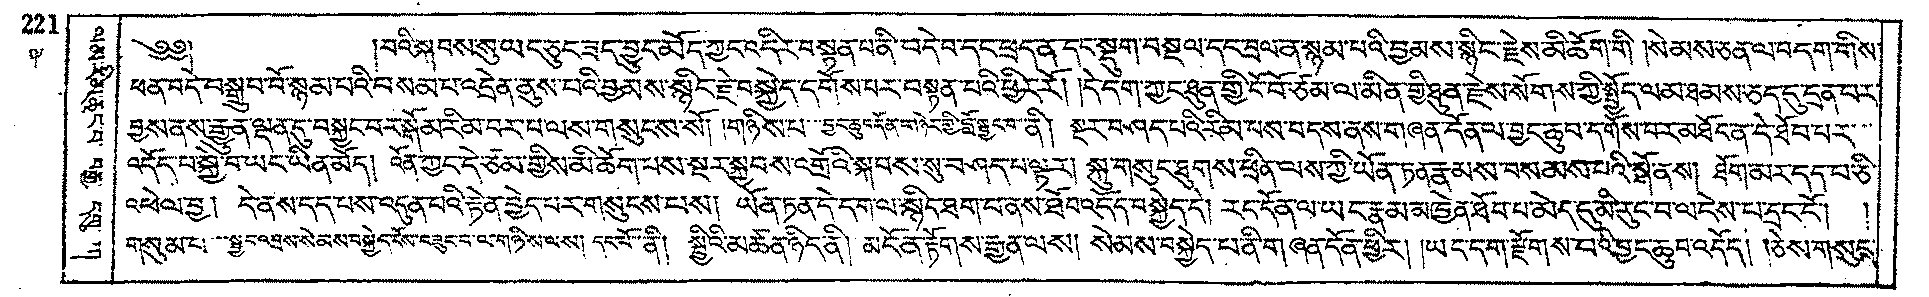༄༅། །བའི་སྐབས་སུ་ཡང་ཅུང་ཟད་བྱུང་མོད་ཀྱང་འདིར་བསྟན་པ་ནི་བདེ་བ་དང་ཕྲད་ན་དང་སྡུག་བསྔལ་དང་བྲལ་ན་སྙམ་པའི་བྱམས་སྙིང་རྗེས་མི་ཆོག་གི །སེམས་ཅན་ལ་བདག་གིས་
ཕན་བདེ་བསྒྲུབ་བོ་སྙམ་པའི་བསམ་པ་འདྲེན་ནུས་པའི་བྱམས་སྙིང་རྗེ་བསྐྱེད་དགོས་པར་བསྟན་པའི་ཕྱིར་རོ། །དེ་དག་ཀྱང་ཐུན་གྱི་ངོ་བོ་ཙམ་ལ་མིན་གྱི་ཐུན་རྗེས་སོགས་ཀྱི་སྤྱོད་ལམ་ཐམས་ཅད་དུ་དྲན་པར་
བྱས་ནས་རྒྱུན་ལྡན་དུ་བསྐྱང་བར་སྒོམ་རིམ་བར་པ་ལས་གསུངས་སོ། །གཉིས་པབྱང་ཆུབ་དོན་གཉེར་གྱི་བློ་སྦྱང་བ་ནི། སྔར་བཤད་པའི་རིམ་པས་བདས་ནས་གཞན་དོན་ལ་བྱང་ཆུབ་དགོས་པར་མཐོང་ན་དེ་ཐོབ་པར་
འདོད་པ་སྐྱེ་བ་ཡང་ཡིན་མོད། འོན་ཀྱང་དེ་ཙམ་གྱིས་མི་ཆོག་པས་སྔར་སྐྱབས་འགྲོའི་སྐབས་སུ་བཤད་པ་ལྟར། སྐུ་གསུང་ཐུགས་ཕྲིན་ལས་ཀྱི་ཡོན་ཏན་རྣམས་བསམས་པའི་སྒོ་ནས། ཐོག་མར་དད་པ་ཅི་
འཕེལ་བྱ། དེ་ནས་དད་པས་འདུན་པའི་རྟེན་བྱེད་པར་གསུངས་པས། ཡོན་ཏན་དེ་དག་ལ་སྙིང་ཐག་པ་ནས་ཐོབ་འདོད་བསྐྱེད་དེ། རང་དོན་ལ་ཡང་རྣམ་མཁྱེན་ཐོབ་པ་མེད་དུ་མི་རུང་བ་ལ་ངེས་པ་དྲང་ངོ། །
གསུམ་པསྦྱང་འབྲས་སེམས་བསྐྱེད་ངོས་བཟུང་བ་ལ་གཉིས་ལས། དང་པོ་ནི། སྤྱིའི་མཚན་ཉིད་ནི། མངོན་རྟོགས་རྒྱན་ལས། སེམས་བསྐྱེད་པ་ནི་གཞན་དོན་ཕྱིར། །ཡང་དག་རྫོགས་བའི་བྱང་ཆུབ་འདོད། །ཅེས་གསུངས་